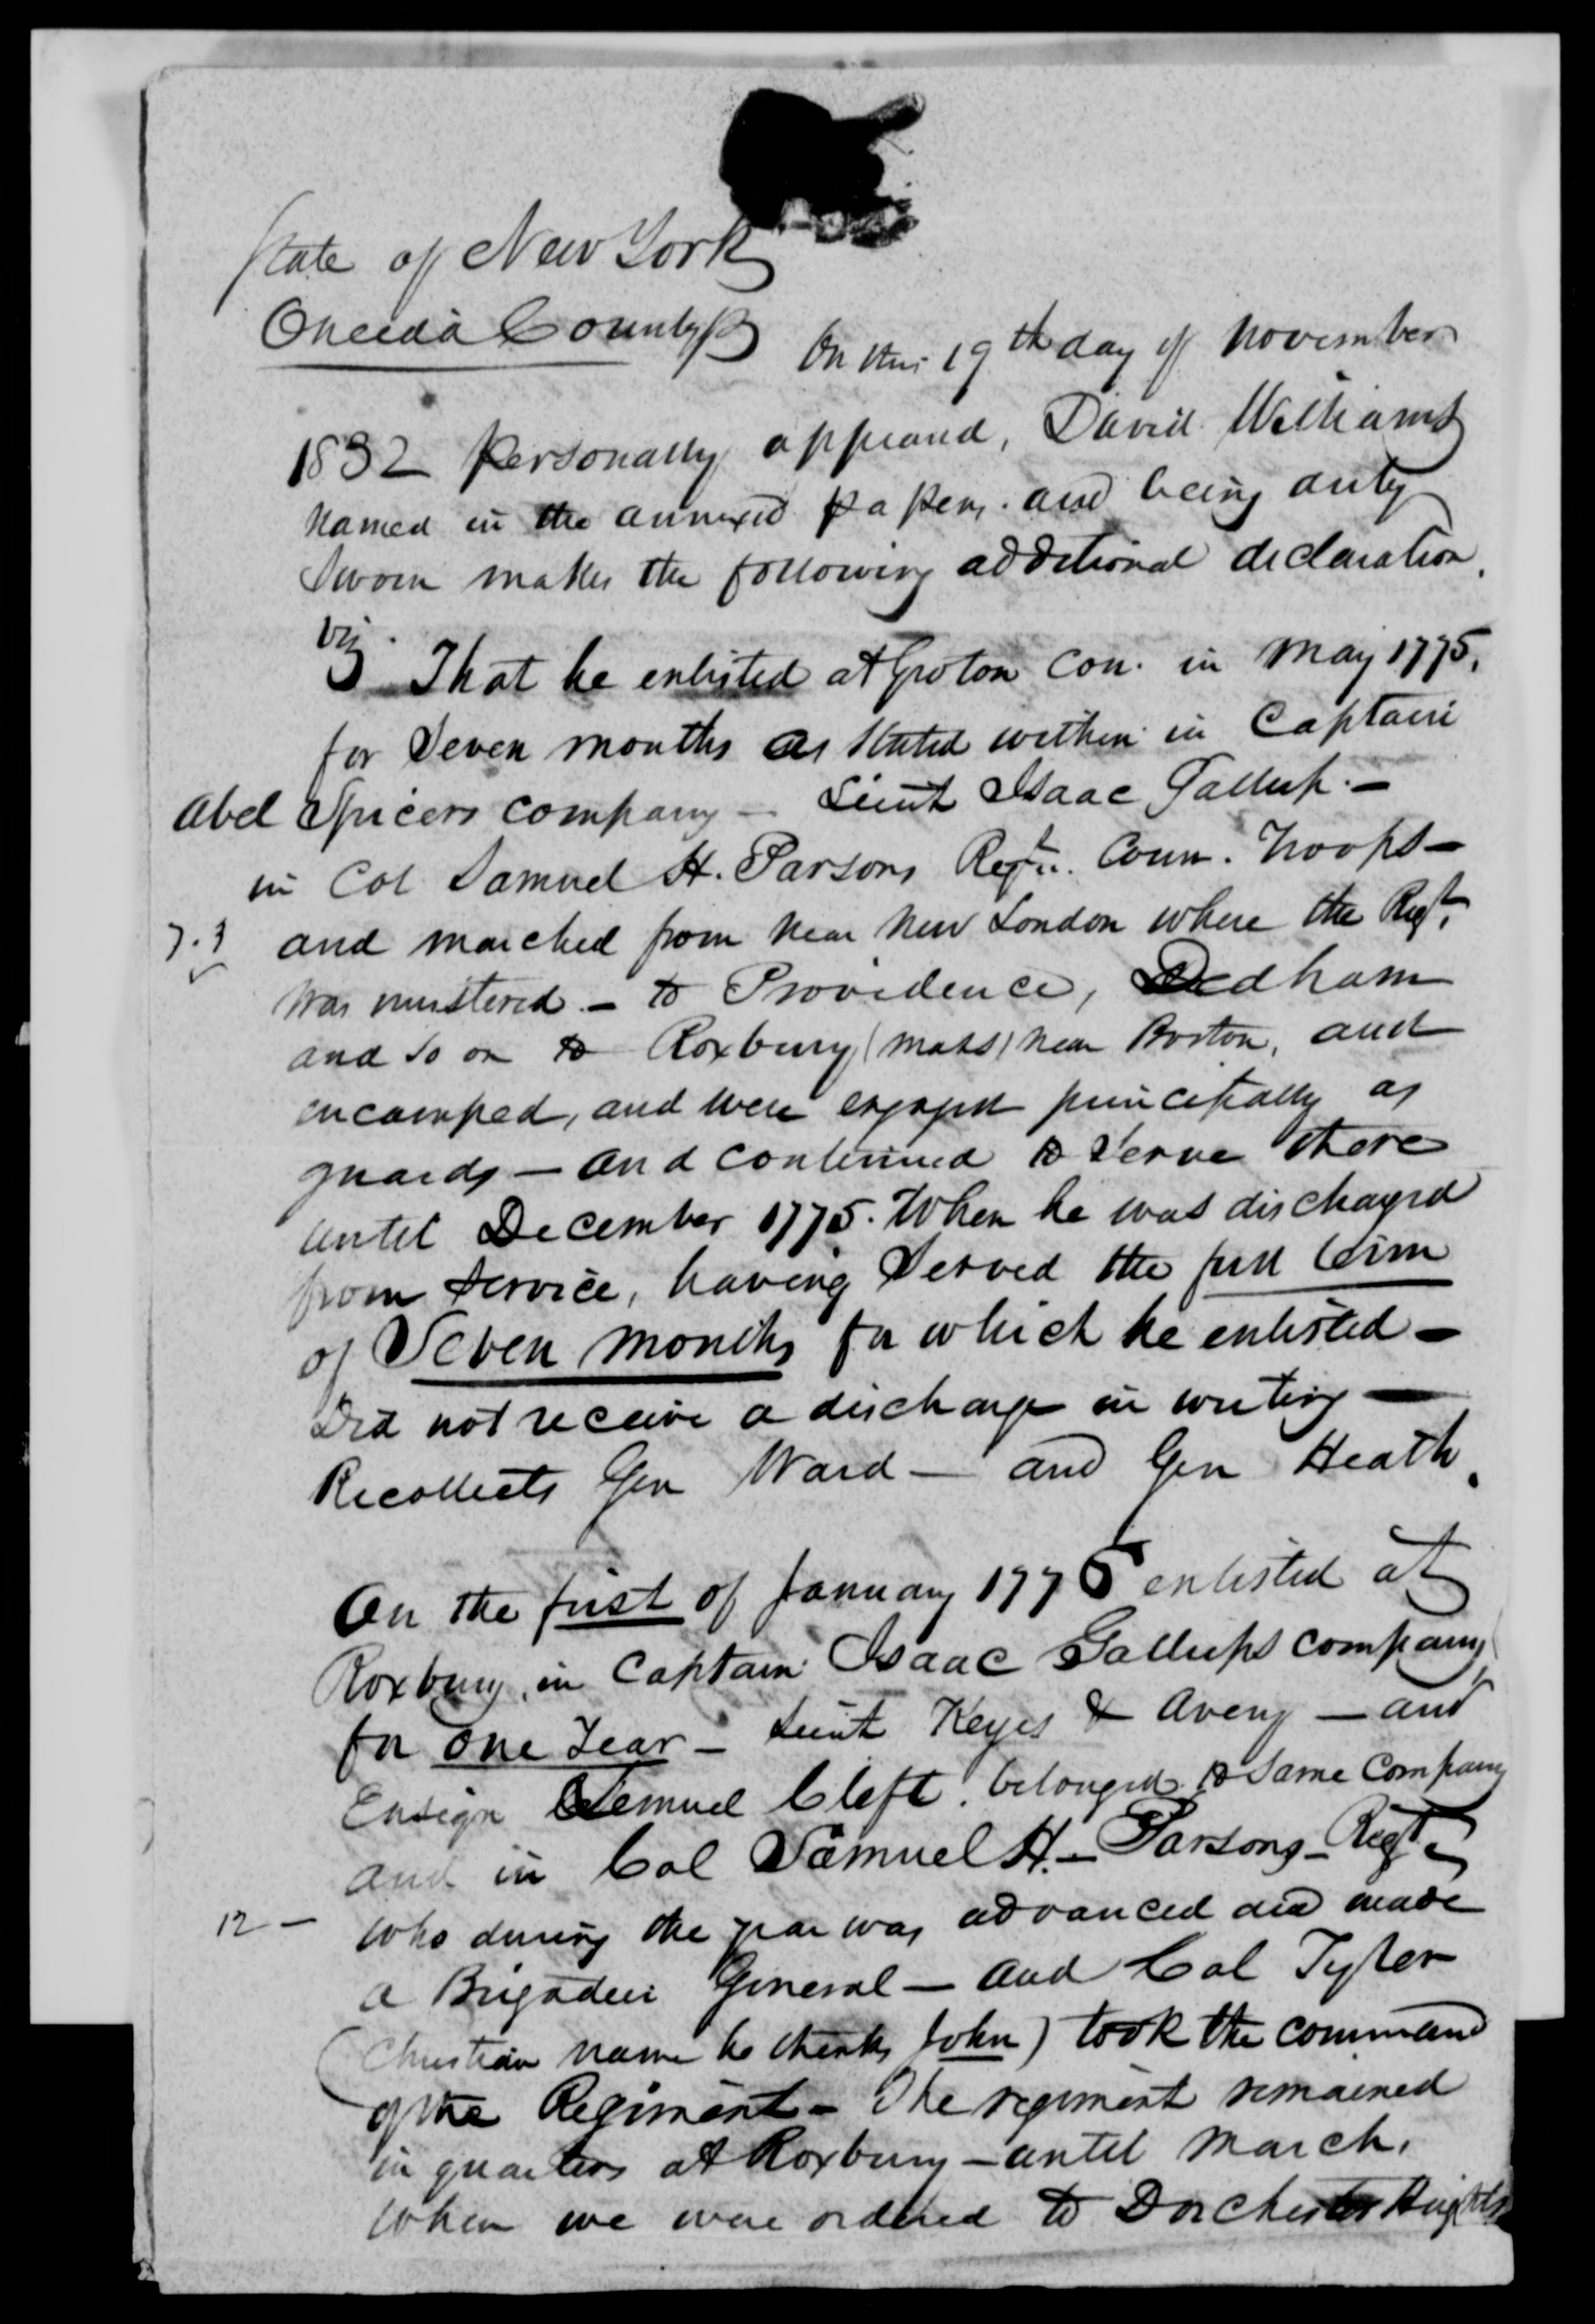State of New YHork Oneida Country ss
On the 19th day of November 1832 personally appeared David Williams named in the annexed papers and being duly sworn makes the following additional declaration.
viz  That he enlisted at Groton Con. in May 1775 for seven months as stated within in Captain Abel Spicers company  Lieut Isaac Gallup in Col Samuel H. Parsons Regt. Conn. troops , and marched from near New London where the regt. was mustered to Providence, Dedham and so on to Roxbury (Mass) near Boston, and encamped and were engaged principally as guards and continued to serve there until December 1775. When he was discharged from service having served the full term of seven months for which he enlisted. Did not receive a discharge in writing Recollects Gen Ward and Gen Heath. On the first of January 1776 enlisted at Roxbury in Captain Isaac Gallups company for one year,  Lieut Keyes & Avery and Ensign Lemuel Cleft belonged to same company and in Col Samuel H. Parsons Regt who during the year was advanced and made a Brigadier General and Col Tyler (Christian name he thinks John) took the command of the Regiment. the regiment remained in quarters at Roxbury until March, when we were ordered to Dorchester Heights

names: Isaac Gallup, Keyes, David Williams, Lemuel Clift, John, Tyler, Heath, Ward, Avery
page: 9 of 63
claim: widow's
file: W. 22,632, David Williams, Conn. Continental Privateer